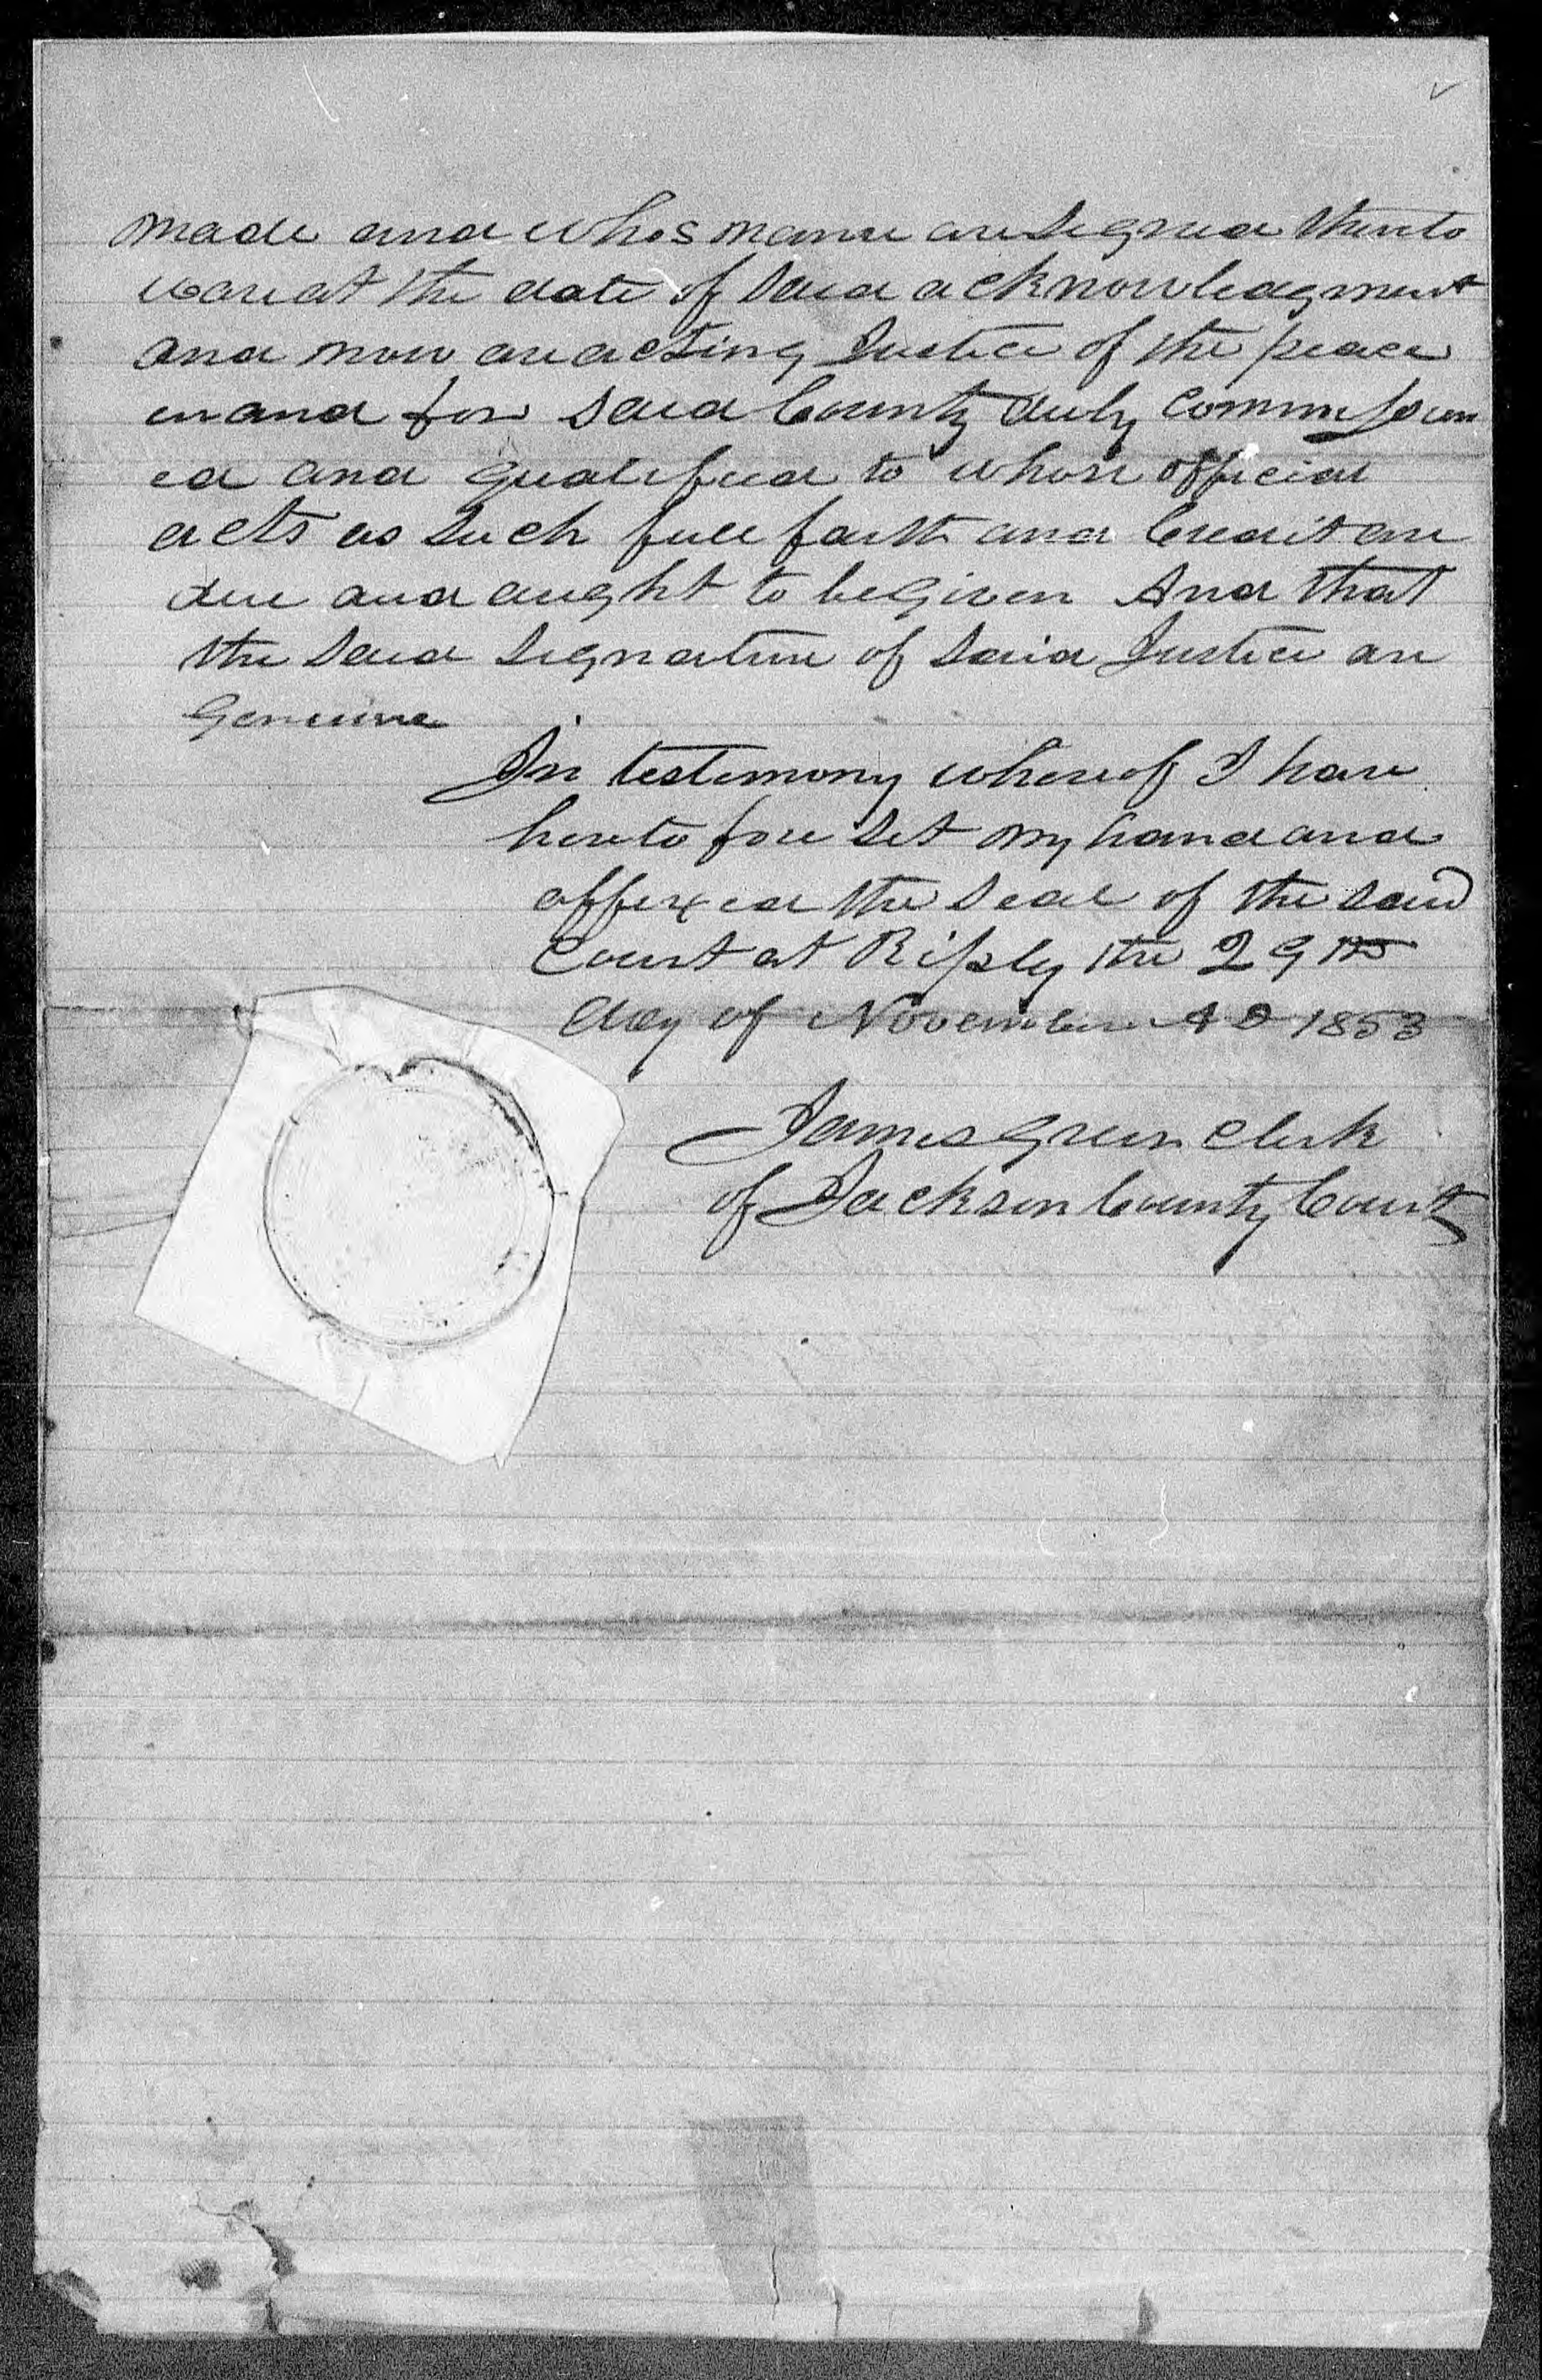made and whos names assigned thereto
ware at the date of said acknowledgment
and now are acting Justice of the peace
in and for said County duly commission-
ed and qualified to whose official
acts as such full faith and credit are
due and ought to be given and that 
the said signature of said Justice are
Genuine
In testimony whereof I have
heretofore set my hand and
affixed the seal of the said
Court at Riply the 29th
day of November A.D. 1853
James Green Clerk
of Jackson County Court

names: James Green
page: 6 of 21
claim: rejected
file: R. 1,907, Joseph Cheuvront, Va.